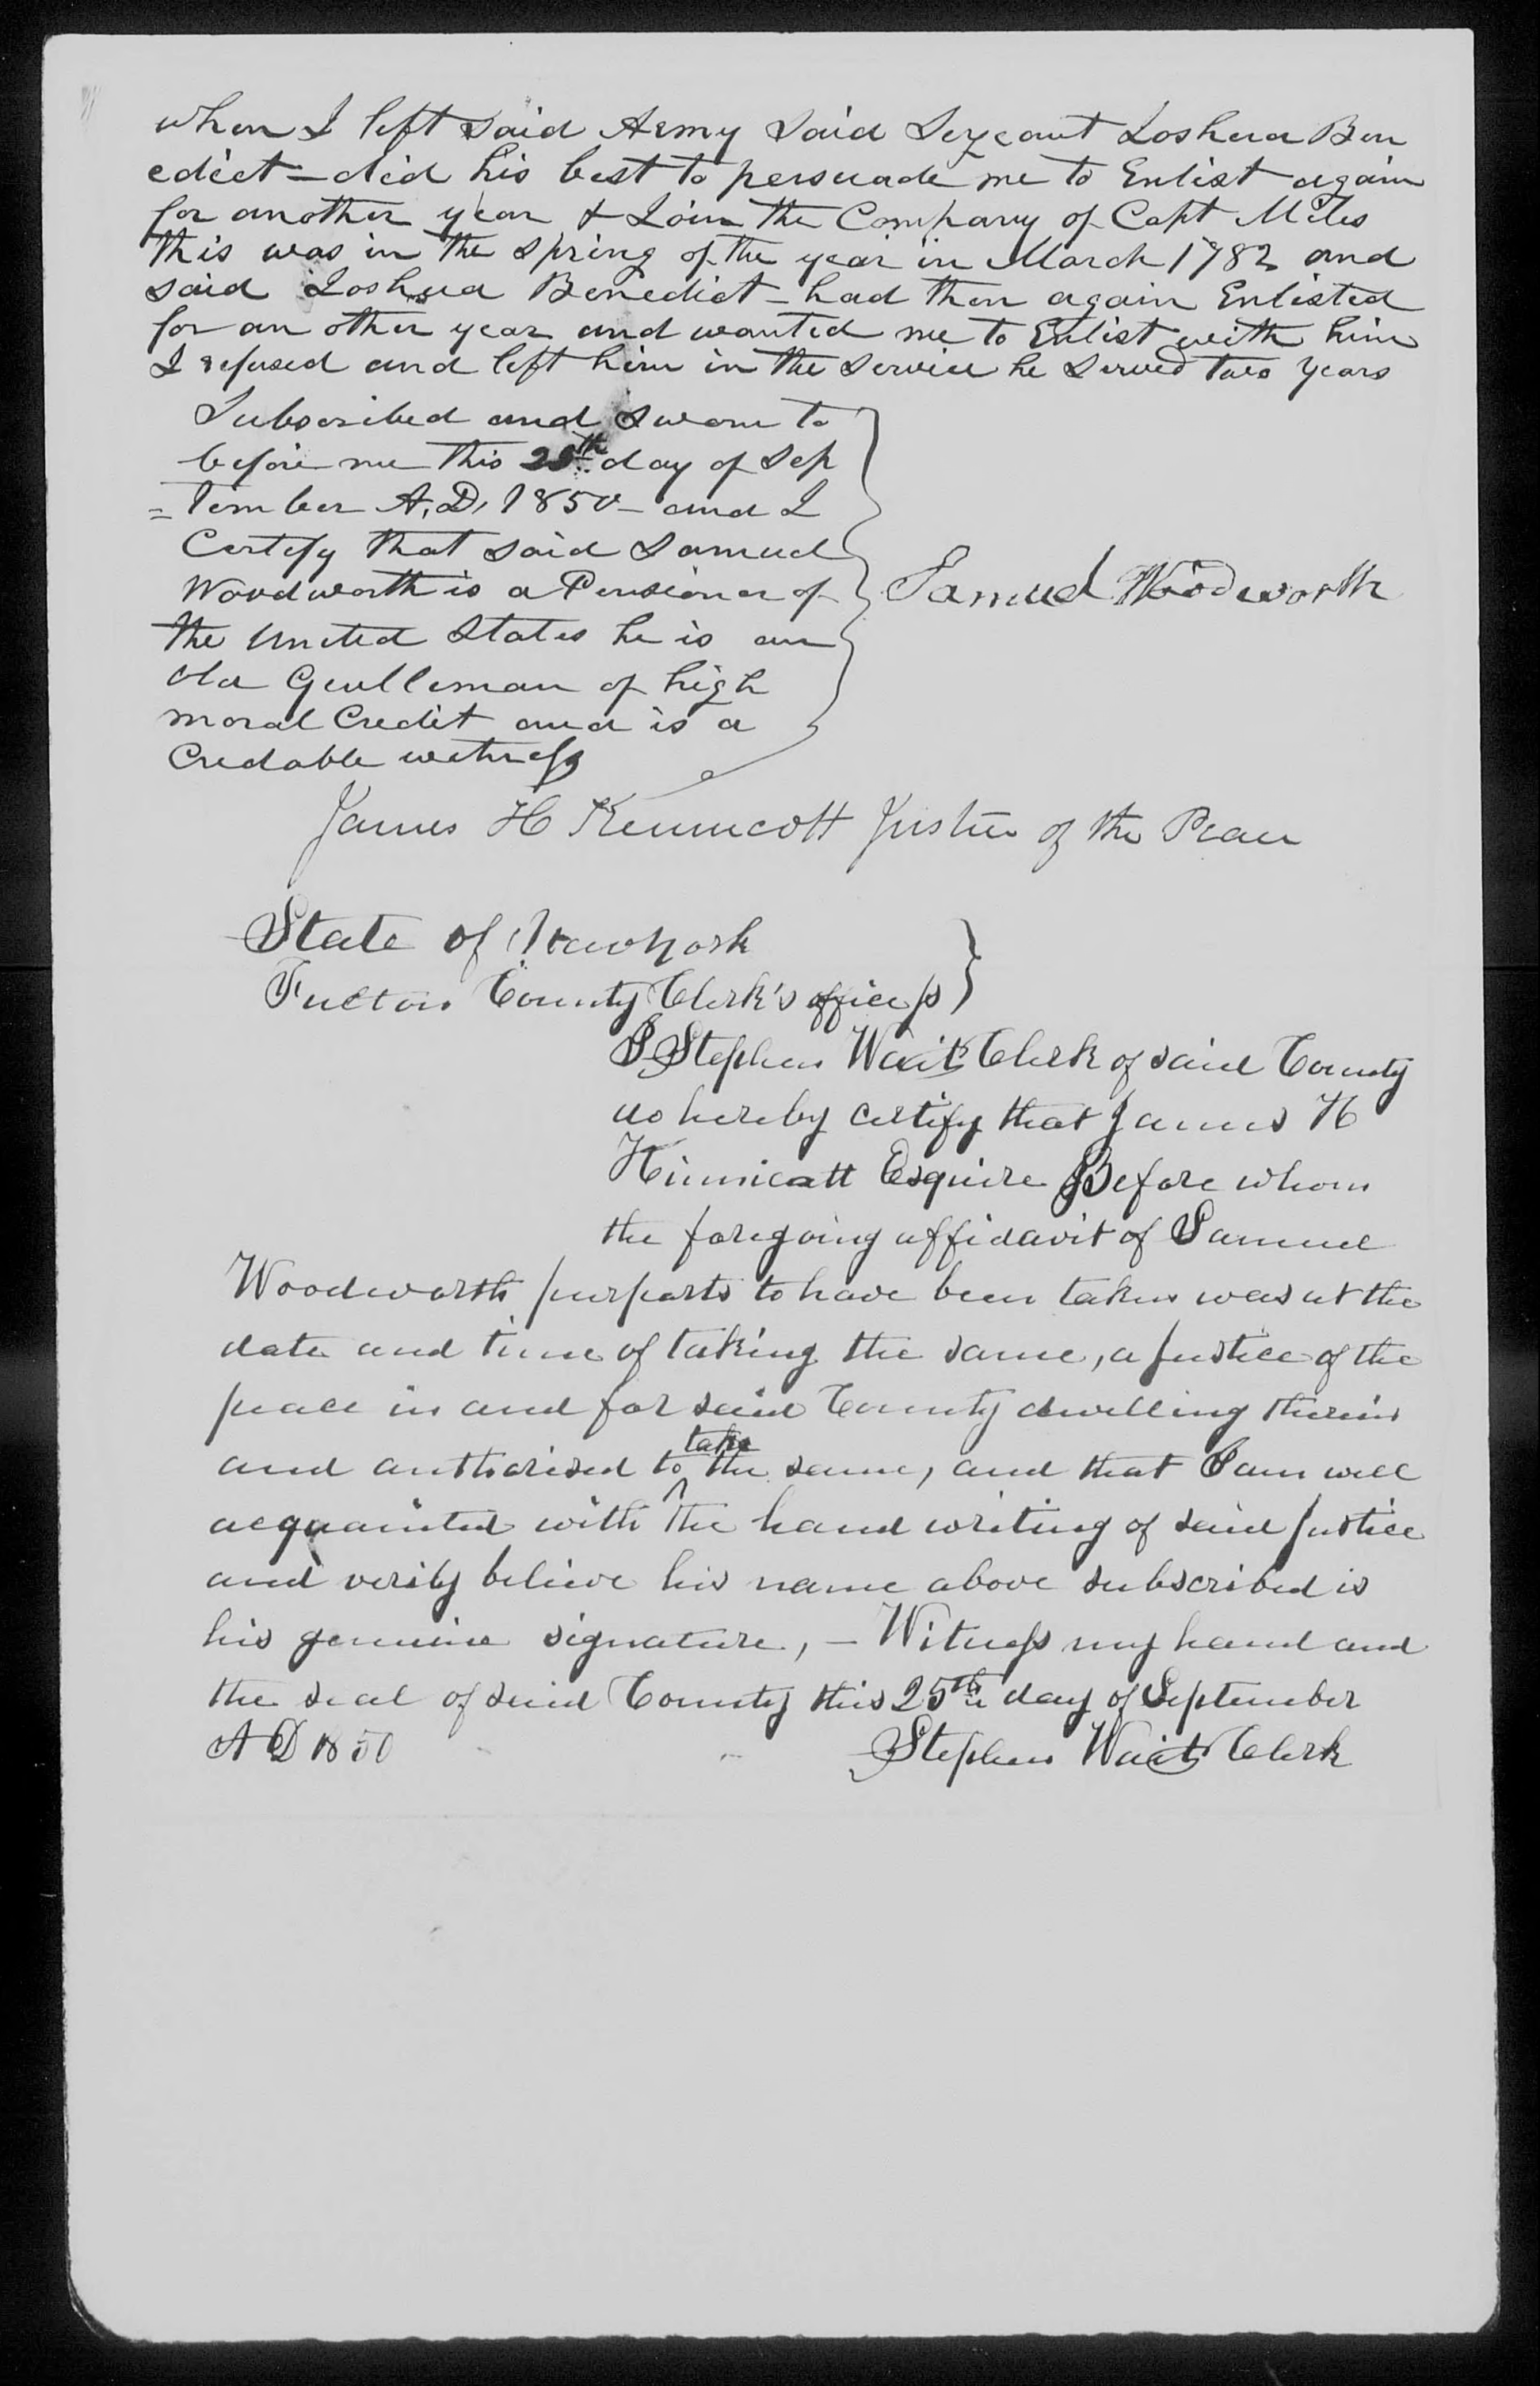when I left said Army said Sergeant Joshua Benedict did his best to persuade me to Enlist again for another year & join the Company of Capt Miles this was in the spring of the year in March 1782 and said Joshua Benedict had then again Enlisted for another year and wanted me to Enlist with him I refused and left him in the service he served two years
Samuel Woodworth

Subscribed and sworn to before me this 25th day of September A.D. 1850 - and I Certify that said Samuel Woodworth is a Pensioner of the United States he is an old Gentleman of high moral Credit and is a Credible witness
James H Kinnicott Justice of the Peace

State of New York
Fulton County Clerk's office Ss
I Stephen Wait Clerk of said County do hereby certify that James H Kinnicatt Esquire Before whom the foregoing affidavit of Samuel Woodworth purports to have been taken was at the date and time of taking the same, a Justice of the peace in and for said County dwelling therein and authorised to take the same, and that I am well acquainted with the hand writing of said Justice and verily believe his name above subscribed is his genuine signature, - Witness my hand and the seal of said County this 25th day of September A D 1850
Stephen Wait Clerk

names: Miles, Stephen Wait, James H Kinnicatt, Stephen Wait, Samuel Woodworth, Samuel Woodworth, Joshua Benedict, James H Kennicott, Samuel Woodworth, Joshua Benedict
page: 67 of 106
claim: survivor's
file: S 23,116., Joshua Benedict, Conn.